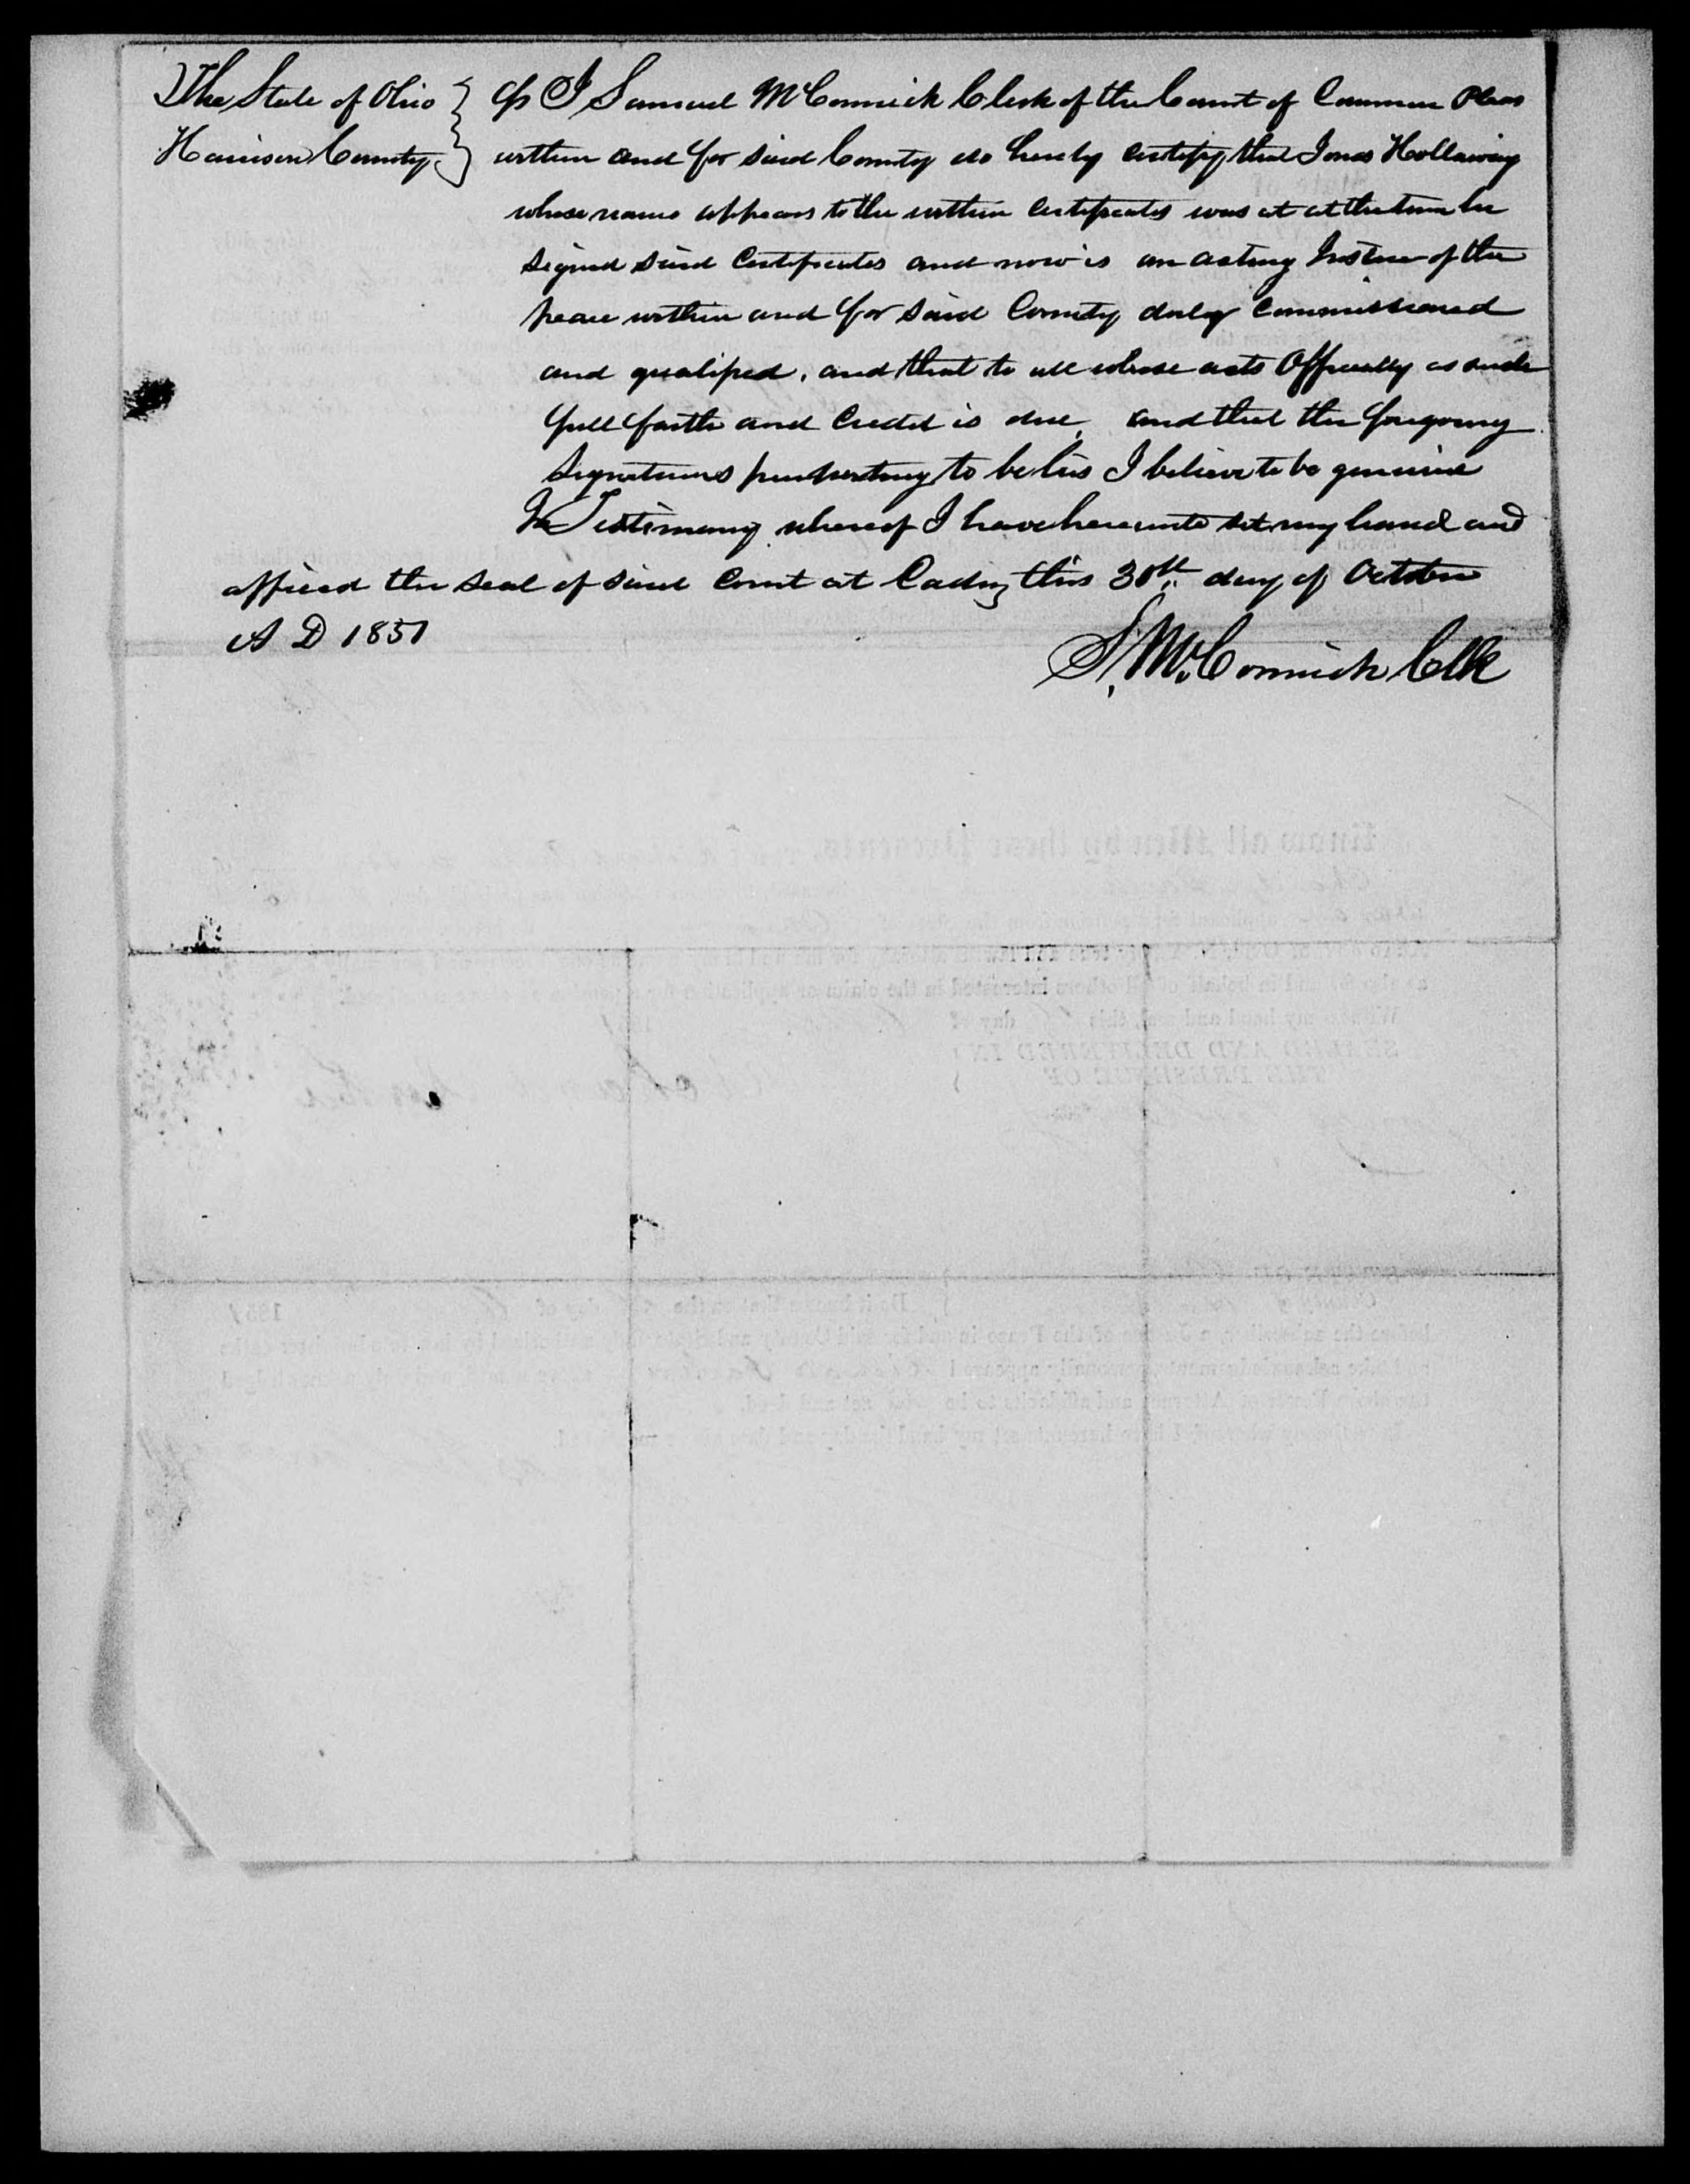The State of Ohio }
Harrison County } I Samuel McCormick Clerk of the Court of Common Pleas within and for said County do hereby certify that Jonas Holloway whose name appears to the within certificates was at the time he signed said certificates and now is an acting Justice of the Peace within and for said County duly commissioned and qualified, and that to all whose acts Officially as such full faith and credit is due and that the foregoing signatures purporting to be his I believe to be genuine. In testimony whereof I have hereunto set my hand and affixed the seal of said Court at Cadiz this 30th day of October A.D. 1851.
//s// S. McCormick Clerk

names: Jonas Holloway; Samuel Mc Cormick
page: 15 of 40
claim: widow's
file: W. 3,588, for John Parker, Pennsylvania